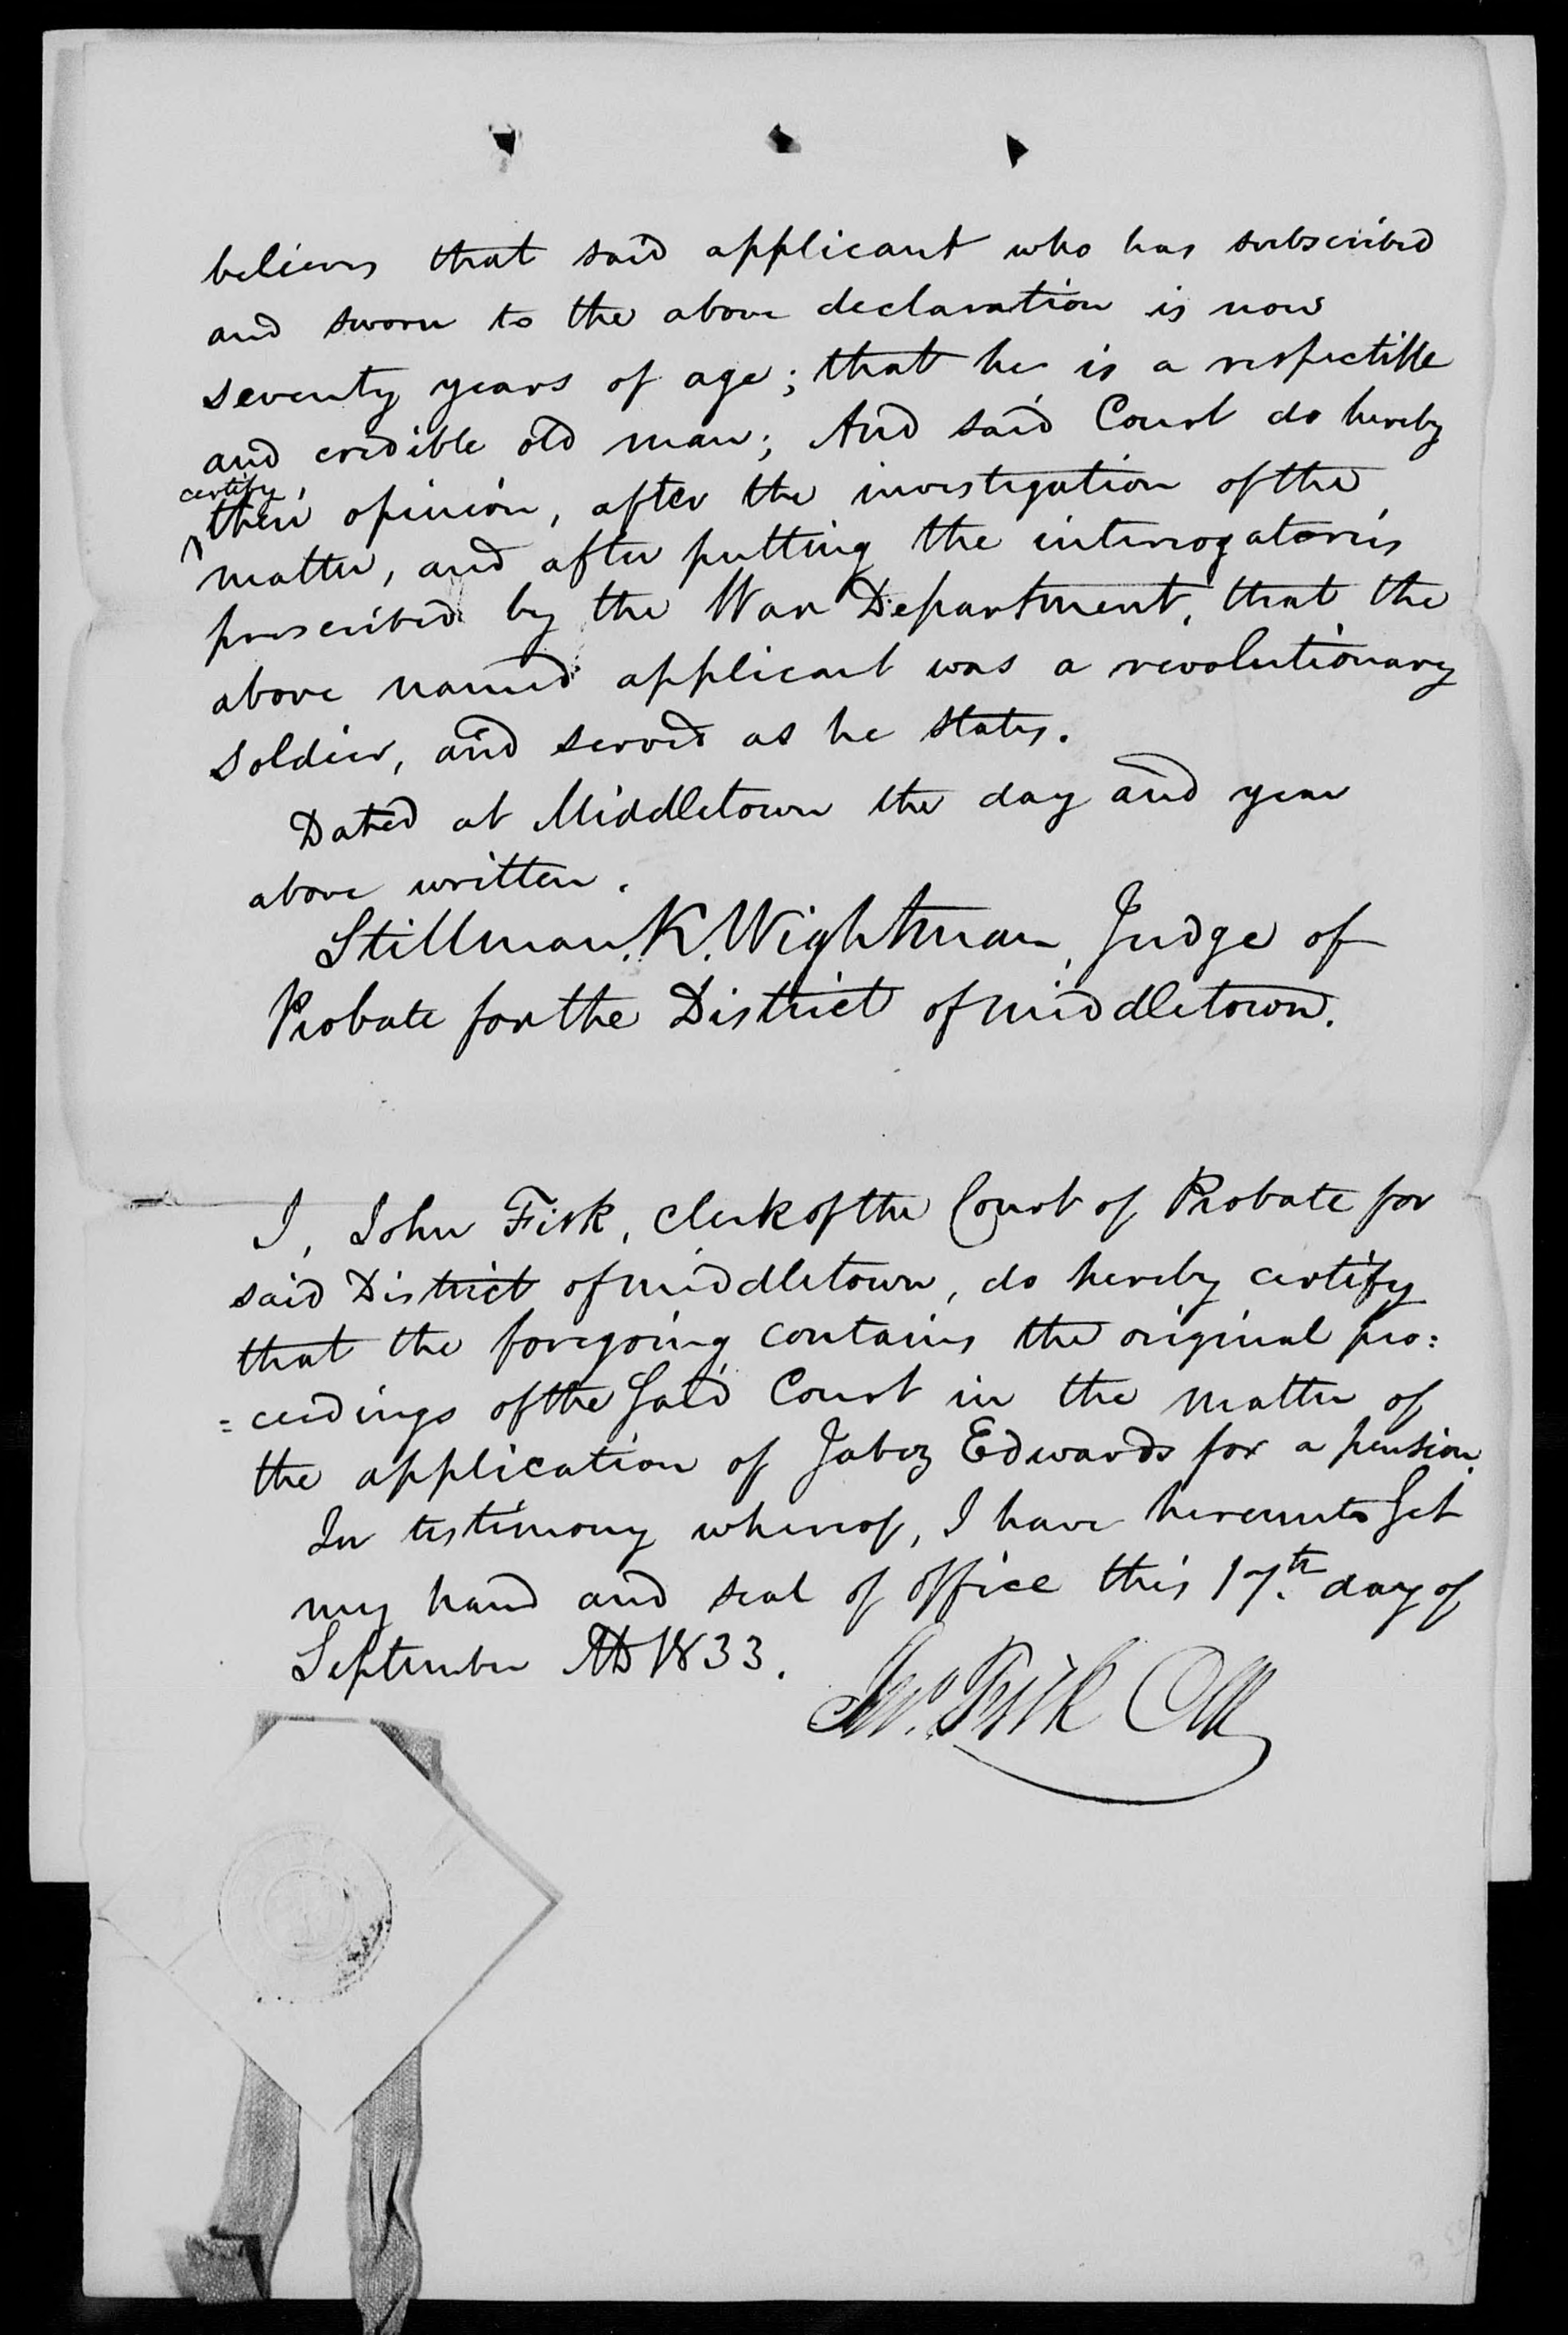believes that said applicant who has subscribed and sworn to the above declaration is now seventy years of age; that he is a respectable and credible old man; And said Court do hereby certify their opinion, after the investigation of the matter, and after putting the interrogatories prescribed by the War Department, that the above named applicant was a revolutionary soldier, and served as he states.

Dated at Middletown the day and year above written.

Stillman K. Wightman, Judge of Probate for the District of Middletown.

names: Jabez Edwards, Jno Fisk, John Fisk, Stillman K Wightman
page: 8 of 50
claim: survivor's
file: S 10607, Jabez Edwards, Conn.